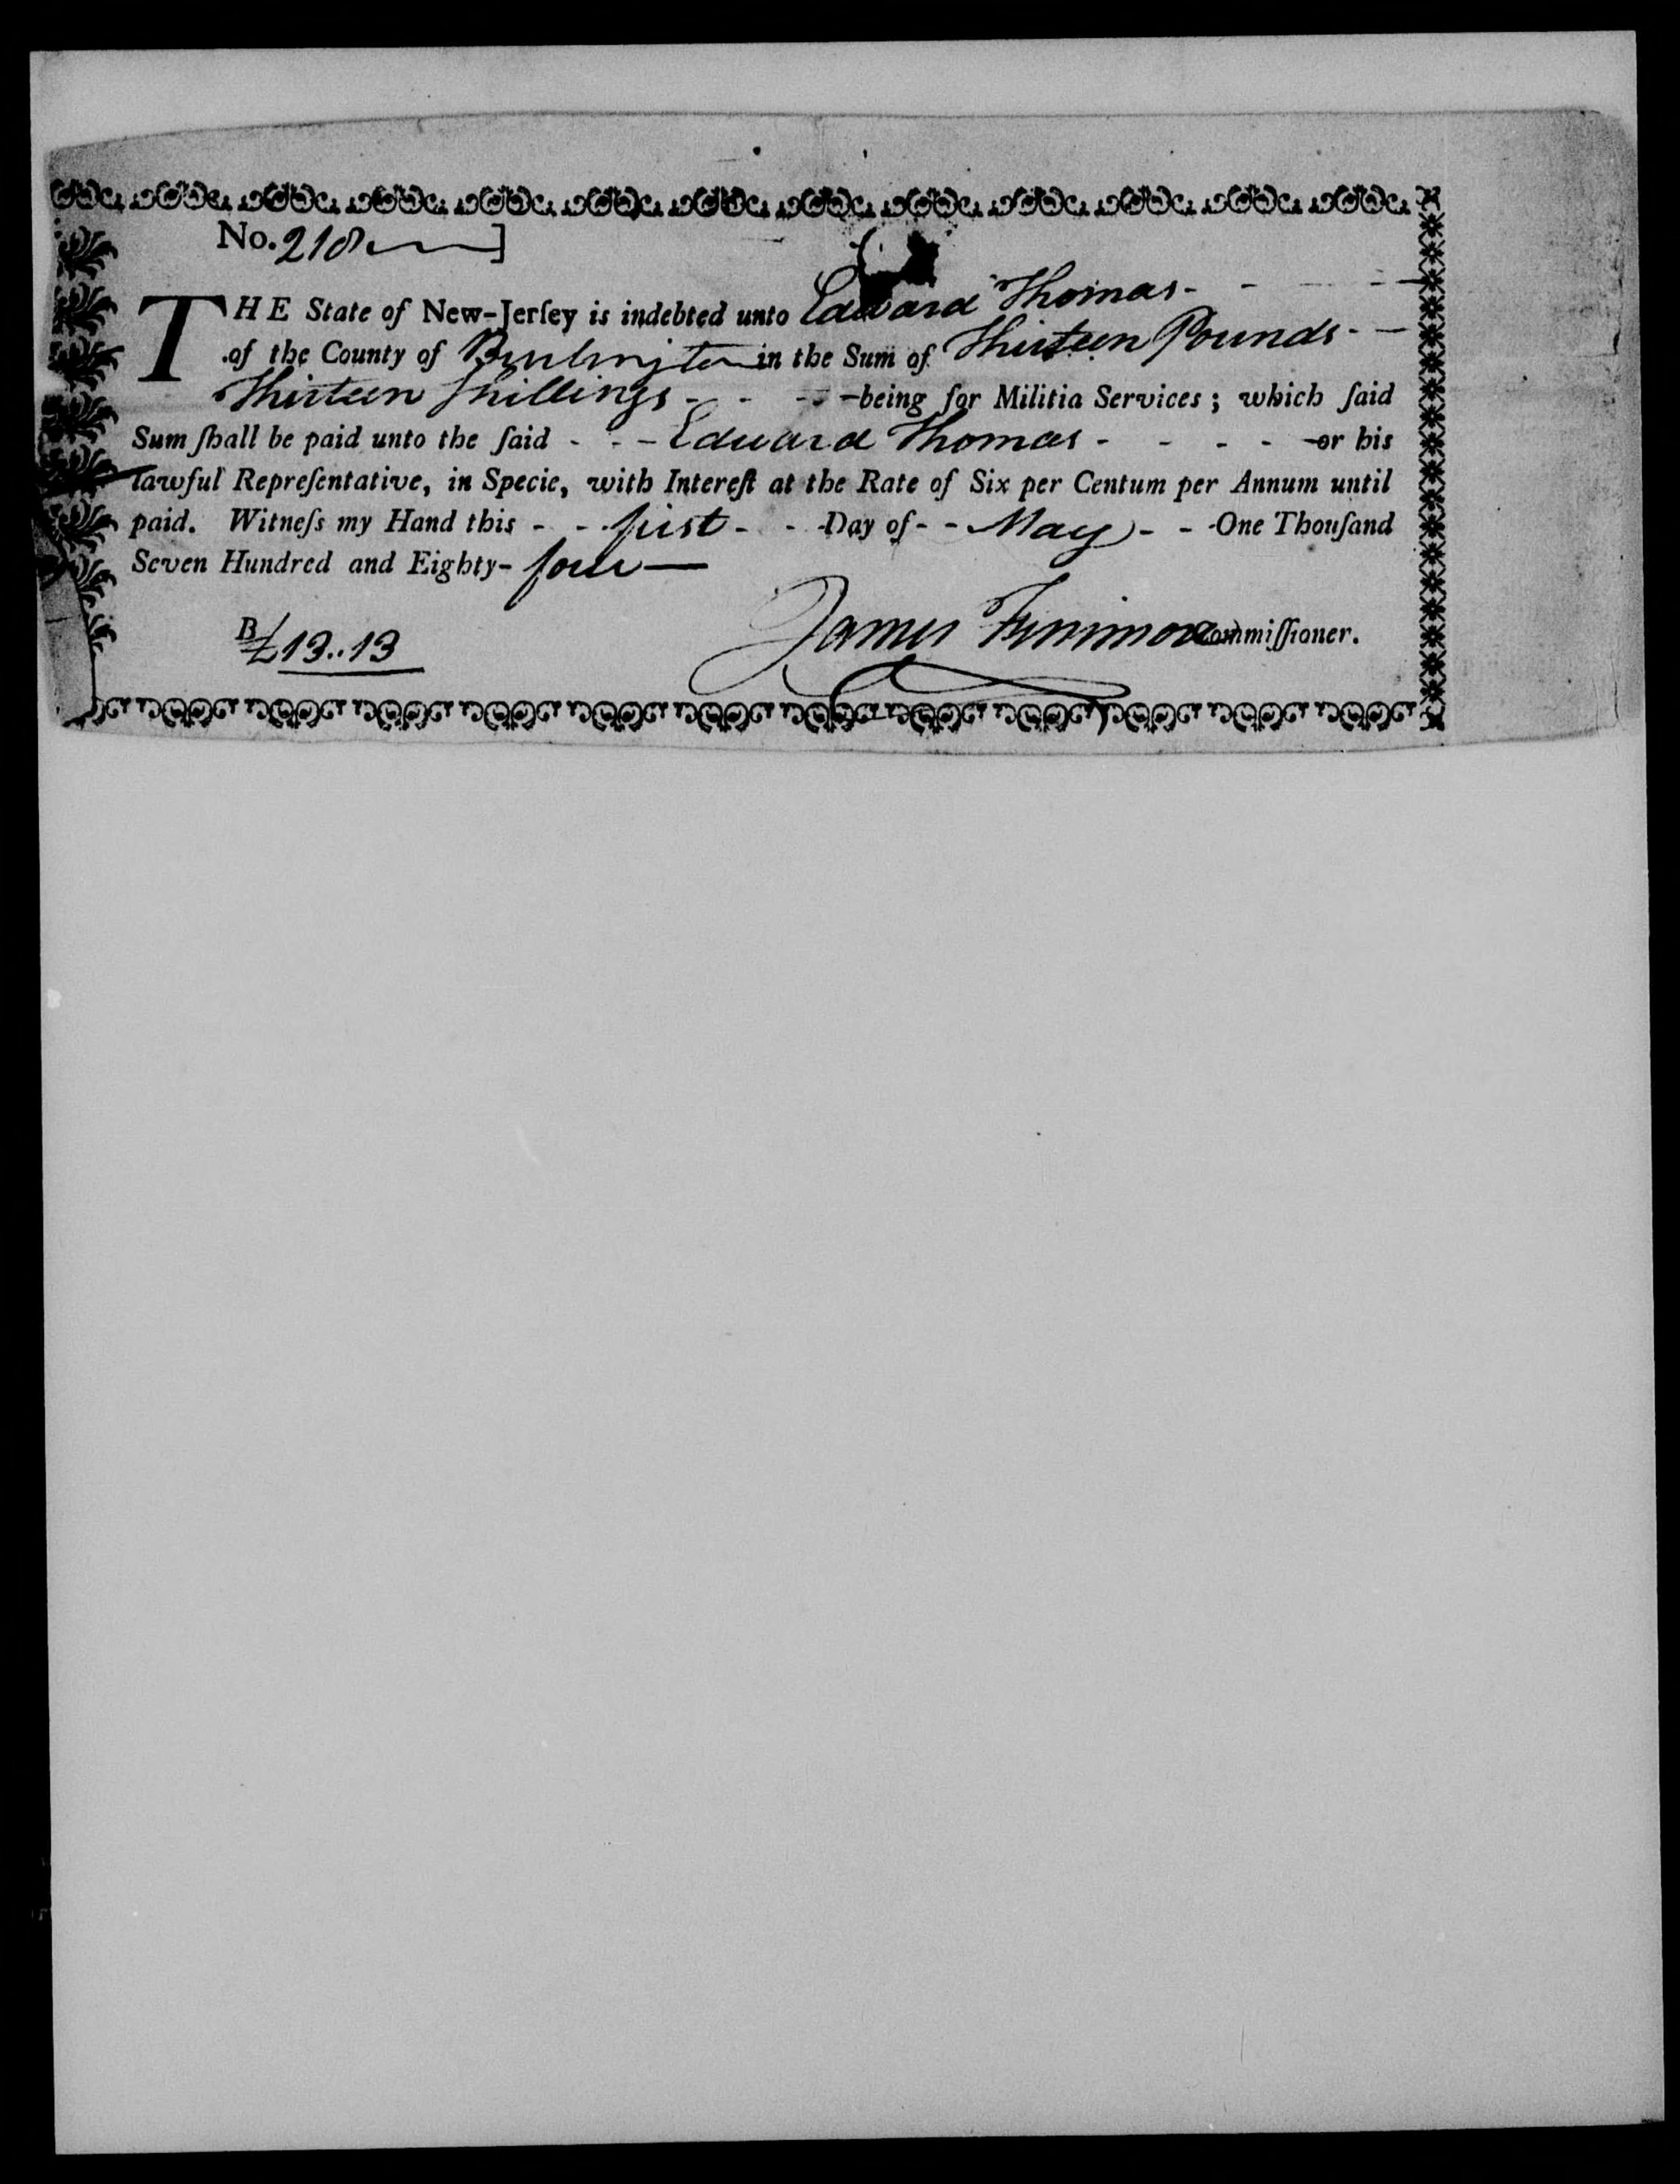No. 210
the State of New Jersey is indebted unto Edward Thomas of the County of Burlington in the Sum of Thirteen Pounds Thirteen Shillings being for Militia Services; which said Sum shall be paid unto the Said Edward Thomas or his lawful Representative , in Specie, with Interest at the Rate of Six per Centum per Annum until paid. Witness my Hand this first day of May One Thousand Seven Hundred and Eight-four.
B
19.19
James Fenimore
Commissioner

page: 17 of 25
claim: rejected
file: R. 10513, for Edward Thomas, New Jersey